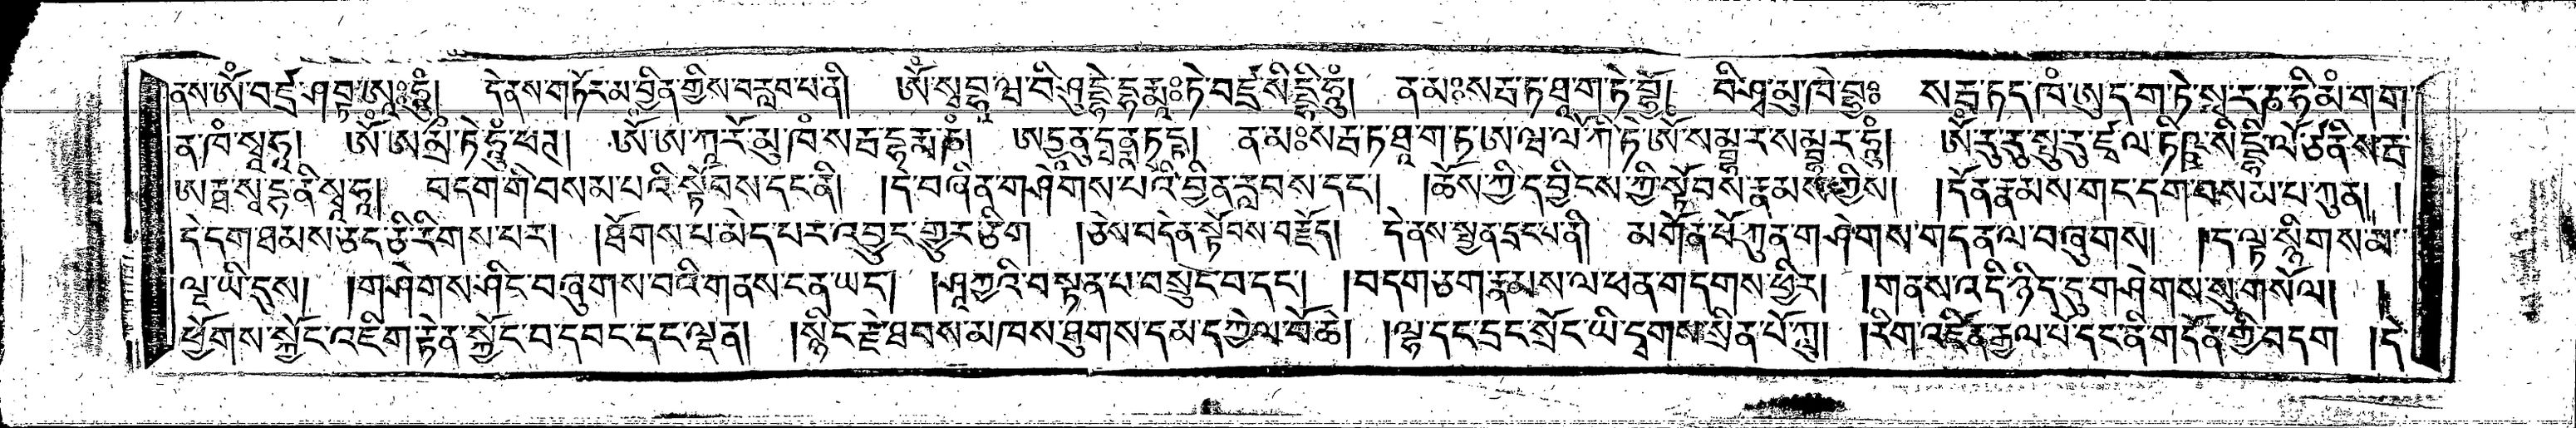ནས་ཨོཾ་བྫྲ་ཤཔྟ་ཨཱཿ ཧཱུཾ། དེ་ནས་གཏོར་མ་བྱིན་གྱིས་བརླབ་པ་ནི། ཨོཾ་སྭ་བྷཱ་ཝ་བི་ཤུདྡྷེ་དྷརྨཱཿ ཏེ་བྫྲ་སིདྡྷི་ཧཱུཾ། ན་མཿ སརྦ་ཏ་ཐཱ་ག་ཏེ་བྷྱོ། བི་ཤྭ་མུ་ཁེ་བྷྱཿ སྲྦ་ཏད་ཁཾ་ཨུད་ག་ཏེ་སྭ་ར་ཎ་ཧི་མཾ་ག་ག་
ན་ཁཾ་སྭཱ་ཧཱ། ཨོཾ་ཨ་མྲྀ་ཏེ་ཧཱུཾ་ཕཊ། ཨོཾ་ཨ་ཀཱ་རོ་མུ་ཁཾ་སརྦ་དྷརྨ་ཎཾ། ཨདྱཱ་ནུ་དཔནྣ་ཏྭ་དྟ། ན་མཿ སརྦ་ཏ་ཐཱ་ག་ཏ་ཨ་ཝ་ལོ་ཀི་ཏེ་ཨོཾ་སམྦྷ་ར་སམྦྷར་ཧཱུཾ། ཨོཾ་རུ་རུ་སྤུ་རུ་ཛྭ་ལ་ཏིཥཊཿཨ་སིདྡྷི་ལོ་ཙ་ནི་སརྦ་
ཨརྠ་སཱ་དྷ་ནི་སྭཱ་ཧཱ། བདག་གི་བསམ་པའི་སྟོབས་དང་ནི། །དེ་བཞིན་གཤེགས་པའི་བྱིན་རླབས་དང་། །ཆོས་ཀྱི་དབྱིངས་ཀྱི་སྟོབས་རྣམས་ཀྱིས། །དོན་རྣམས་གང་དག་བསམ་པ་ཀུན། །
དེ་དག་ཐམས་ཅད་ཅི་རིགས་པར། །ཐོགས་པ་མེད་པར་འབྱུང་གྱུར་ཅིག །ཅེས་བདེན་སྟོབས་བརྗོད། དེ་ནས་སྤྱན་དྲང་པ་ནི། མགོན་པོ་ཀུན་གཤེགས་གདན་ལ་བཞུགས། །ད་ལྟ་སྙིགས་མ་
ལྔ་ཡི་དུས། །གཤེགས་ཤིང་བཞུགས་པའི་གནས་ངན་ཡང་། །ཤཱཀྱའི་བསྟན་པ་བསྲུང་བ་དང་། །བདག་ཅག་རྣམས་ལ་ཕན་གདགས་ཕྱིར། །གནས་འདི་ཉིད་དུ་གཤེགས་སུ་གསོལ། །
ཕྱོགས་སྐྱོང་འཇིག་རྟེན་སྐྱོང་བ་དབང་དང་ལྡན། །སྙིང་རྗེ་ཐབས་མཁས་ཐུགས་དམ་དཀྱེལ་བོ་ཆེ། །ལྷ་དང་དྲང་སྲོང་ཡི་དྭགས་སྲིན་པོ་ཀླུ། །རིག་འཛིན་རྒྱལ་པོ་དང་ནི་གདོན་གྱི་བདག །དེ་